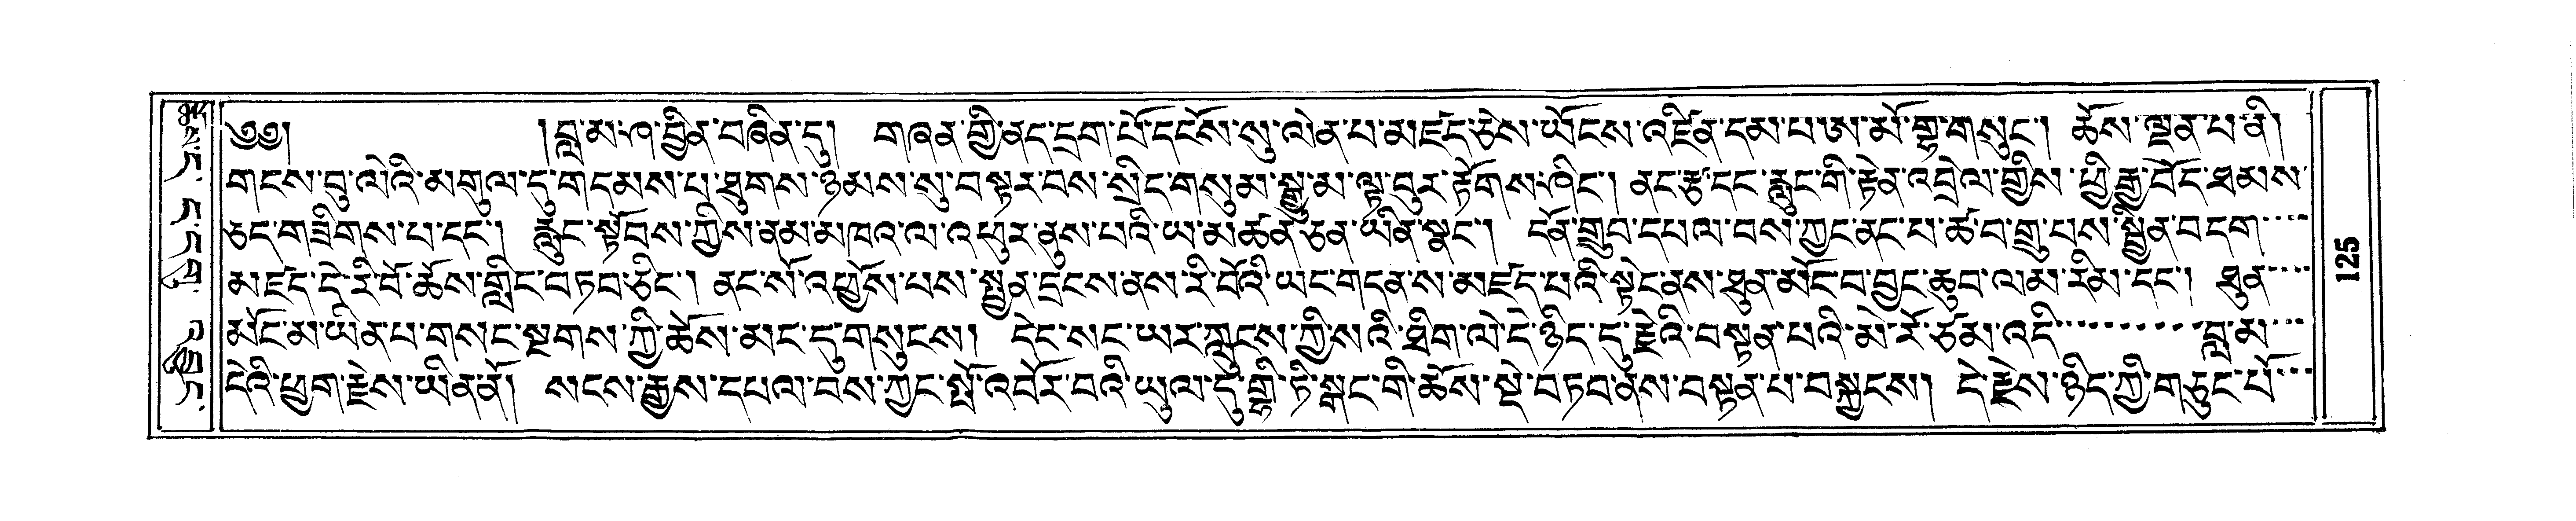༄༅། །བླ་མ་ཤ་བྱིན་བཞིན་དུ། གཞན་གྱི་ནད་དྲག་པོ་དངོས་སུ་ལེན་པ་མཛད་ཅེས་ཡོངས་འཛིན་དམ་པ་ཨ་མོ་གྷ་གསུང་། ཆོས་ལྡན་པ་ནི།
གངས་བུ་ལེའི་མགུལ་དུ་གདམས་པ་ཐུགས་ཉམས་སུ་བསྟར་བས་སྲིད་གསུམ་སྒྱུ་མ་ལྟ་བུར་རྟོགས་ཤིང་། ནང་རྩ་དང་རླུང་གི་རྟེན་འབྲེལ་གྱིས་ཕྱི་རྒྱ་བོད་ཐམས་
ཅད་གཟིགས་པ་དང་། རླུང་སྟོབས་ཀྱིས་ནམ་མཁའ་ལ་འཕུར་ནུས་པའི་ཡ་མཚན་ཅན་ཡིན་སྣང་། དོན་གྲུབ་དཔལ་བས་ཀྱང་ནང་པ་ཚ་བ་གྲུ་པས་སྦྱིན་བདག་
མཛད་དེ་རི་བོ་ཆོས་གླིང་བཏབ་ཅིང་། ནང་སོ་འཕྱོས་པས་སྤྱན་དྲངས་ནས་རི་བོའི་ཡང་གདན་ས་མཛད་པའི་སྟེང་ནས་ཐུན་མོང་བ་བྱང་ཆུབ་ལམ་རིམ་དང་། ཐུན་
མོང་མ་ཡིན་པ་གསང་སྔགས་ཀྱི་ཆོས་མང་དུ་གསུངས། དེང་སང་ཡར་ཀླུངས་ཀྱི་སའི་ཐིག་ལེ་དེ་ཉིད་དུ་རྗེའི་བསྟན་པའི་མེ་རོ་ཙམ་འདི་བླ་མ་
དེའི་ཕྱག་རྗེས་ཡིན་ནོ། སངས་རྒྱས་དཔལ་བས་ཀྱང་སྤོ་འབོར་བའི་ཡུལ་དུ་གྷི་ཏི་སྒང་གི་ཆོས་སྡེ་བཏབ་ནས་བསྟན་པ་བསྐྱངས། དེ་རྗེས་ཉིད་ཀྱི་གཅུང་པོ་